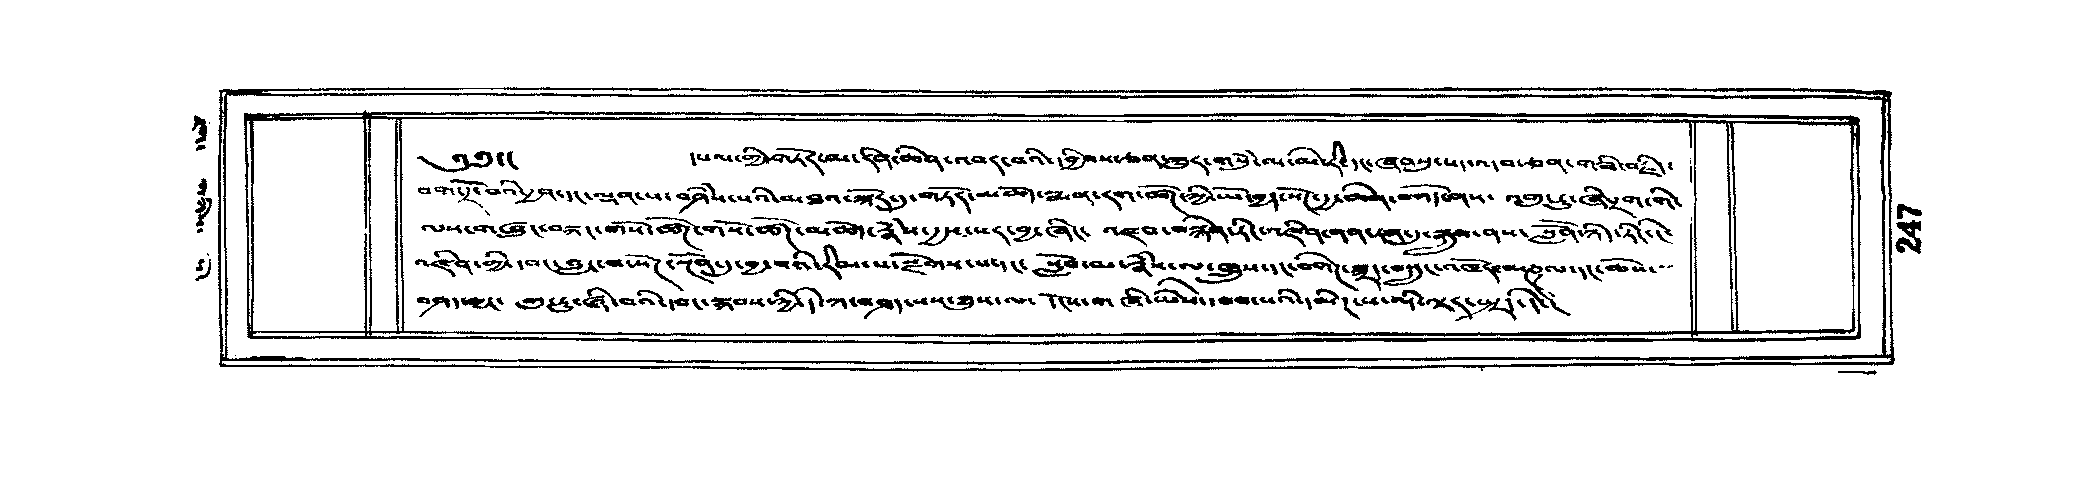དཔལ་གྱི་གཏོར་མ་རིན་ཆེན་འབར་བའི་དབྱིབས་ཅན་ཟུར་གསུམ་ལ་མེ་རི་དང་ཞབས་སུ་པད་འདབ་ཅན་གཟི་བརྗིད་
བག་དྲོ་བའི་རྒྱན་དང་ལྡན་པ་བཤམས་པའི་མཐའ་སྐོར་དུ་གཏོར་མཆོད་སྨན་རག་ཚོགས་ཀྱི་ཡོ་བྱད་སོགས་རྒྱ་ཆེན་བཀོད་ནས། གུ་རུ་ཞི་དྲག་གི་
ལས་གཞུང་བསྐང་གསོ་ཚོགས་གསོ་ཚོགས་མཆོད་རྣམས་རྒྱས་པས་བྱ་ཞིང་། འཛབ་བསྙེན་ཏིང་འཛིན་ནན་ཏན་དུ་སྒྲུབ་ནས་སློན་དཔོན་ཉིད་ཏིང་ངེ་
འཛིན་གྱི་དབང་བླང་བ་སོགས་སྔོན་དུ་བྱ་བའི་རིམ་པ་རྫོགས་པ་དང་། སློབ་མ་རྣམས་ལ་ཁྲུས་དང་བགེགས་སྐྲད་བསྲུང་འཁོར་མཎྜལ་དང་ཆོས་
བཤད་ཀྱང་། གུ་རུ་ཞི་བའི་དབང་སྐབས་ཀྱི་དེ་ཀ་བཤད་པས་ཐུས་ལ། དངོས་གཞི་ཡེ་ཤེས་དབབ་པའི་དམིགས་པ་འདི་ལྟར་སྤྲད་དེ།